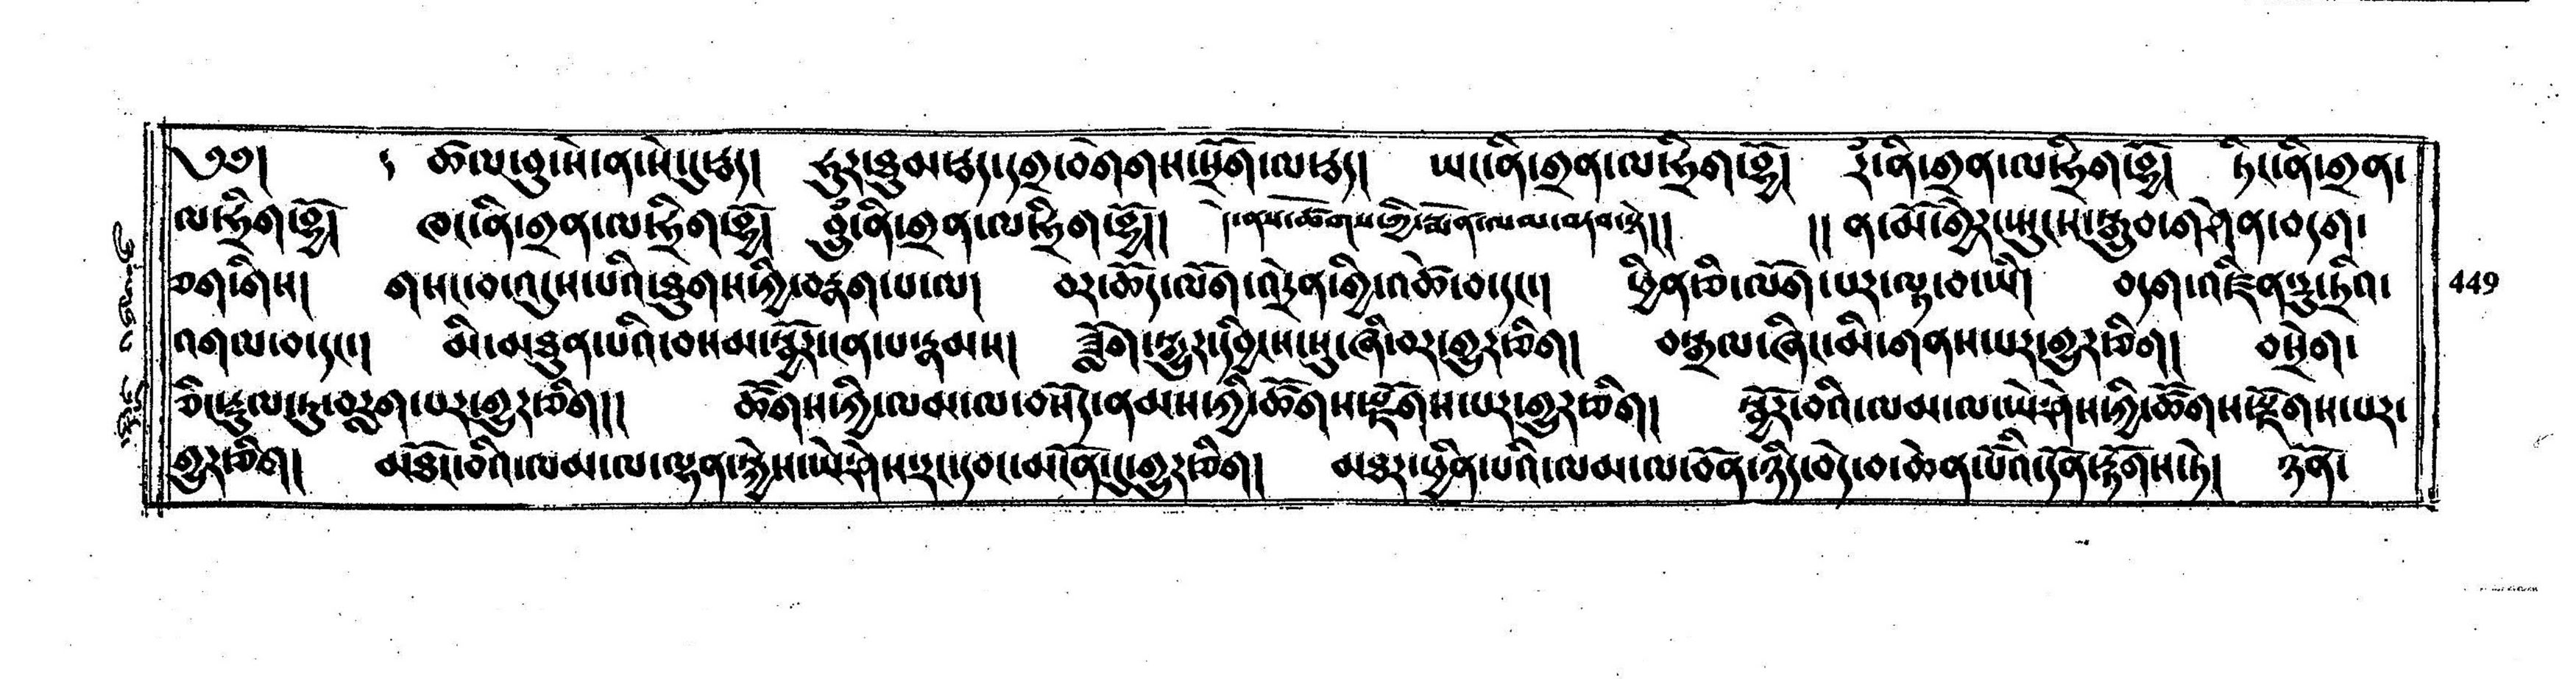ཚལ་བུ་སེ་ན་སེ་དུ་རྦད། ཧུར་ཐུམ་རྦད་དགྲ་བགེགས་སྲོག་ལ་རྦད། ཡང་ནི་གྲན་ལ་ཧྲིག་བྷྱོ། རཾ་ནེ་གྲན་ལ་ཧྲིག་བྷྱོ། ཏིང་ནེ་གྲན་
ལ་ཧྲིག་བྷྱོ། ཁང་ནི་གྲན་ལ་ཧྲིག་བྷྱོ། བྲུཾ་ནི་གྲན་ལ་ཧྲིག་བྷྱོ།། དེ་ནས་ཚོགས་ཀྱི་སྨོན་ལམ་བཏབ་སྟེ།། །།ན་མོ་གྱེར་སྤུངས་སྒྲུབ་གཤེན་{462}བདག་
ཅག་གིས། གསང་བ་འདུས་པའི་ཐུགས་ཀྱི་བརྣག་པ་ལ། བར་ཆོད་ལོག་འདྲེན་གྱི་འཚེ་བ་དང་། ཕྱིན་ཅི་ལོག་པར་ལྟ་བ་ཡི། བདག་འཛིན་རུ་ཏྲའི་
འགལ་བ་དང་། མི་མཐུན་པའི་བསམ་སྦྱོར་ངན་པ་རྣམས། ཟློག་སྒྱུར་དབྱིངས་སུ་ཞི་བར་གྱུར་ཅིག བསྒྲལ་ཞིང་མི་གནས་པར་གྱུར་ཅིག བསྲེག་
ཅིང་རྡུལ་དུ་བརླག་པར་གྱུར་ཅིག ཚོགས་ཀྱི་ལམ་ལ་བསོད་ནམས་ཀྱི་ཚོགས་རྫོགས་པར་གྱུར་ཅིག སྦྱོར་བའི་ལམ་ལ་ཡེ་ཤེས་ཀྱི་ཚོགས་རྫོགས་པར་
གྱུར་ཅིག མཐོང་པའི་ལམ་ལ་ལྷན་སྐྱེས་ཡེ་ཤེས་རང་དབང་མངོན་དུ་གྱུར་ཅིག མཐར་ཕྱིན་པའི་ལམ་ལ་བོན་ཉིད་བདེ་བ་ཆེན་པོའི་དོན་རྟོགས་ཏེ། ཉོན་